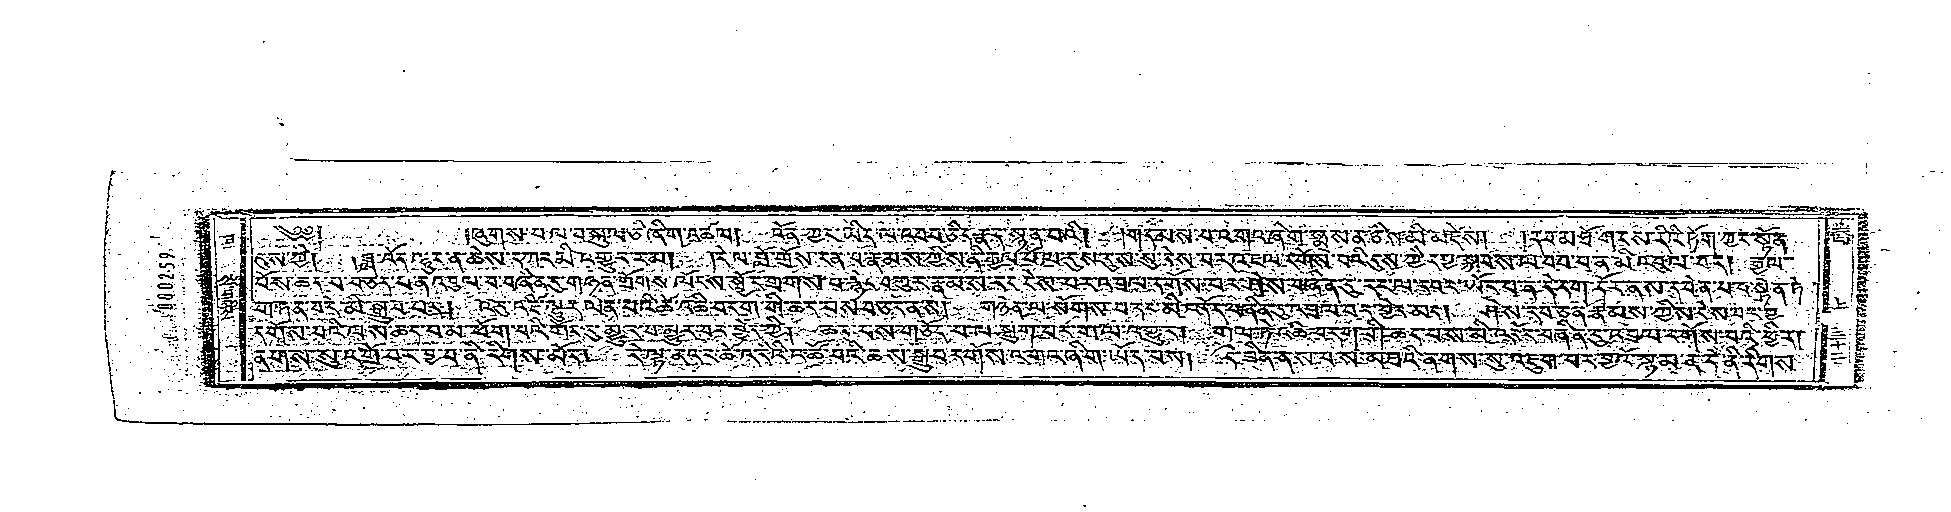༄༅། །ཞུགས་པ་ལ་བསྐུལ་ཅི་ཞིག་འཚལ། འོན་ཀྱང་ཡིད་ལ་འབབ་ཅིང་རྣར་སྙན་པའི། །གདམས་པ་འགའ་ཞིག་སྨྲས་ན་ཅིས་མི་མཛེས། །རབ་མཐོ་གངས་རིའི་ཏོག་ཀྱང་སྟོན་
དུས་ཀྱི། །ཟླ་འོད་ལྷུང་ན་ཆེས་དཀར་མི་འགྱུར་རམ། །དེ་ལ་བློ་གྲོས་ངན་པ་རྣམས་ཀྱིས་ནི་རྒྱལ་པོ་ལ་དུས་དུས་སུ་ངེས་པར་འཇལ་དགོས་པའི་དུས་ཀྱི་དབྱ་སྐབས་ལ་བབ་པ་ན་མི་འབུལ་བར། རྒྱལ་
པོས་ཆང་བ་བཅད་པ་ན་འབུལ་བ་བཞིན་དུ་གཉེན་གྲོགས་ལོངས་སྤྱོད་གྲགས་པ་རྙེད་བཀུར་རྣམས་རང་ངེས་པར་འབྲལ་དགོས་པར་ཤེས་བཞིན་དུ་རང་ལ་དབང་ཡོད་པ་ན་དེ་དག་དོར་ནས་དབེན་པ་བསྟེན་
གཏན་བདེ་མི་སྒྲུབ་པར། འདུ་འཇི་ལྷར་ལེན་པའི་ཚེ་འཆི་བདག་གི་ཆད་པས་བཅད་ནས། གཉེན་ལ་སོགས་པ་དང་མི་འདོད་བཞིན་དུ་འབྲལ་བར་བྱེད་མང་། ཤེས་རབ་ཅན་རྣམས་ཀྱིས་ངེས་པར་བྱ་
དགོས་པའི་ལས་ཆད་བ་མ་ཕོག་པའི་གོང་དུ་མྱུར་པ་མྱུར་བར་བྱེད་ཀྱི། ཆད་པས་གཅོད་པ་ལ་སྒུག་པར་ག་ལ་འགྱུར། གལ་ཏེ་འཆི་བདག་གི་ཆང་པས་མི་འདོར་བཞིན་དུ་འབྲལ་དགོས་པའི་ཕྱིར།
ནགས་སུ་འགྲོ་བར་བྱ་བ་ནི་རིགས་མོད། དེ་ལྟ་ནའང་ཚེ་འདིའི་འཚོ་བའི་སྒྲུབ་དགོས་འགའ་ཞིག་ཡོད་པས། དེ་ཟིན་ནས་པས་མཐའི་ནགས་སུ་འཇུག་པར་བྱའོ་སྙམ་ན་དེ་ནི་རིགས་